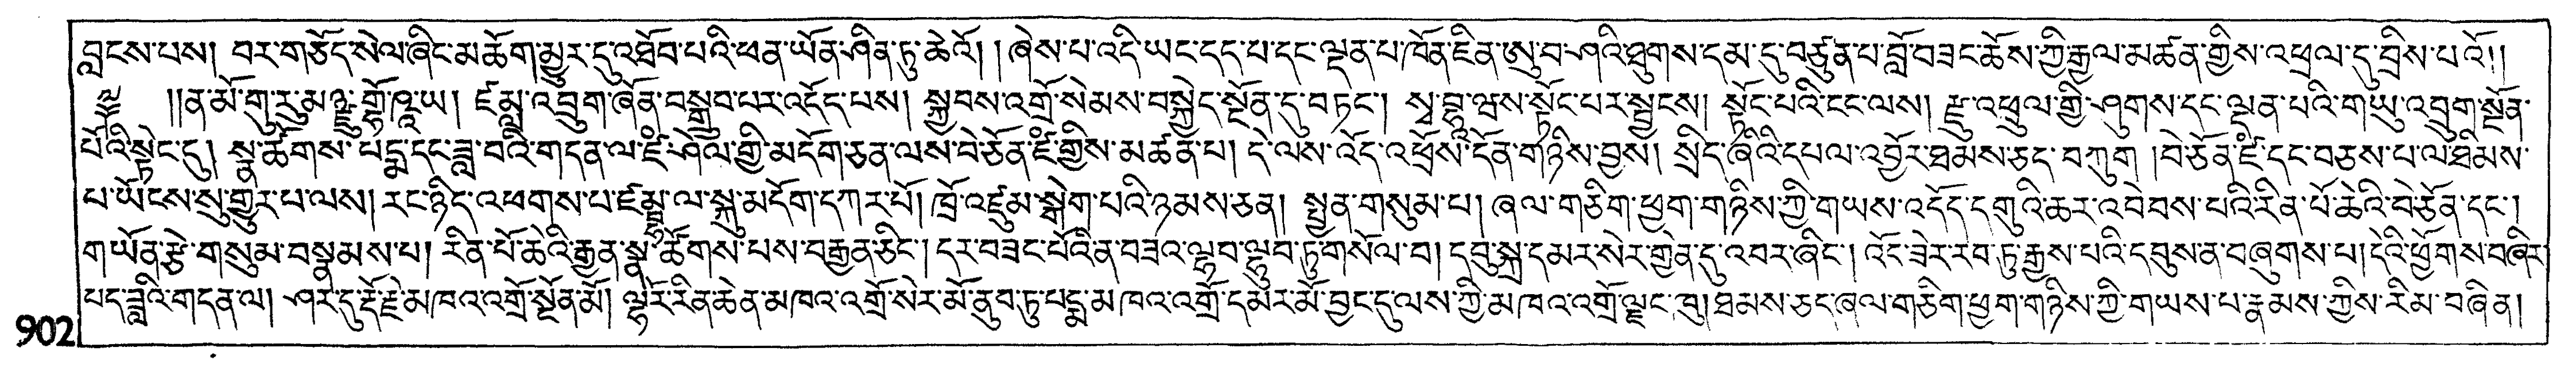བླངས་པས། བར་གཅོད་སེལ་ཞིང་མཆོག་མྱུར་དུ་འཐོབ་པའི་ཕན་ཡོན་ཤིན་ཏུ་ཆེའོ། །ཞེས་པ་འདི་ཡང་དད་པ་དང་ལྡན་པ་ཁོན་ཇིན་ཨུ་བ་ཤའི་ཐུགས་དམ་དུ་བཙུན་པ་བློ་བཟང་ཆོས་ཀྱི་རྒྱལ་མཚན་གྱིས་འཕྲལ་དུ་བྲིས་པའོ། །
༈ །།ན་མོ་གུ་རུ་མཉྫུ་གྷོ་ཥཱ་ཡ། ཛམླ་འབྲུག་ཞོན་བསྒྲུབ་པར་འདོད་པས། སྐྱབས་འགྲོ་སེམས་བསྐྱེད་སྔོན་དུ་བཏང་། སྭ་བྷཱ་ཝས་སྟོང་པར་སྦྱངས། སྟོང་པའི་ངང་ལས། རྫུ་འཕྲུལ་གྱི་ཤུགས་དང་ལྡན་པའི་གཡུ་འབྲུག་སྔོན་
པོའི་སྟེང་དུ། སྣ་ཚོགས་པདམ་དང་ཟླ་བའི་གདན་ལ་ཛཾ་ཤེལ་གྱི་མདོག་ཅན་ལས་བེ་ཅོན་ཛཾ་གྱིས་མཚན་པ། དེ་ལས་འོད་འཕྲོས་དོན་གཉིས་བྱས། སྲིད་ཞིའི་དཔལ་འབྱོར་ཐམས་ཅད་བཀུག །བེ་ཅོན་ཛཾ་དང་བཅས་པ་ལ་ཐིམས་
པ་ཡོངས་སུ་གྱུར་པ་ལས། རང་ཉིད་འཕགས་པ་ཛམྦྷ་ལ་སྐུ་མདོག་དཀར་པོ། ཁྲོ་འཛུམ་སྒེག་པའི་ཉམས་ཅན། སྤྱན་གསུམ་པ། ཞལ་གཅིག་ཕྱག་གཉིས་ཀྱི་གཡས་འདོད་དགུའི་ཆར་འབེབས་པའི་རིན་པོ་ཆེའི་བེ་ཅོན་དང་།
གཡོན་རྩེ་གསུམ་བསྣམས་པ། རིན་པོ་ཆེའི་རྒྱན་སྣ་ཚོགས་པས་བརྒྱན་ཅིང་། དར་བཟང་པོའི་ན་བཟའ་ལྷབ་ལྷུབ་ཏུ་གསོལ་བ། དབུ་སྐྲ་དམར་སེར་གྱེན་དུ་འབར་ཞིང་། འོད་ཟེར་རབ་ཏུ་རྒྱས་པའི་དབུས་ན་བཞུགས་པ། དེའི་ཕྱོགས་བཞིར་
པད་ཟླའི་གདན་ལ། ཤར་དུ་རྡོ་རྗེ་མཁའ་འགྲོ་སྔོན་མོ། ལྷོར་རིན་ཆེན་མཁའ་འགྲོ་སེར་མོ་ནུབ་ཏུ་པདམ་མཁའ་འགྲོ་དམར་མོ་བྱང་དུ་ལས་ཀྱི་མཁའ་འགྲོ་ལྗང་ཁུ། ཐམས་ཅད་ཞལ་གཅིག་ཕྱག་གཉིས་ཀྱི་གཡས་པ་རྣམས་ཀྱིས་རིམ་བཞིན།